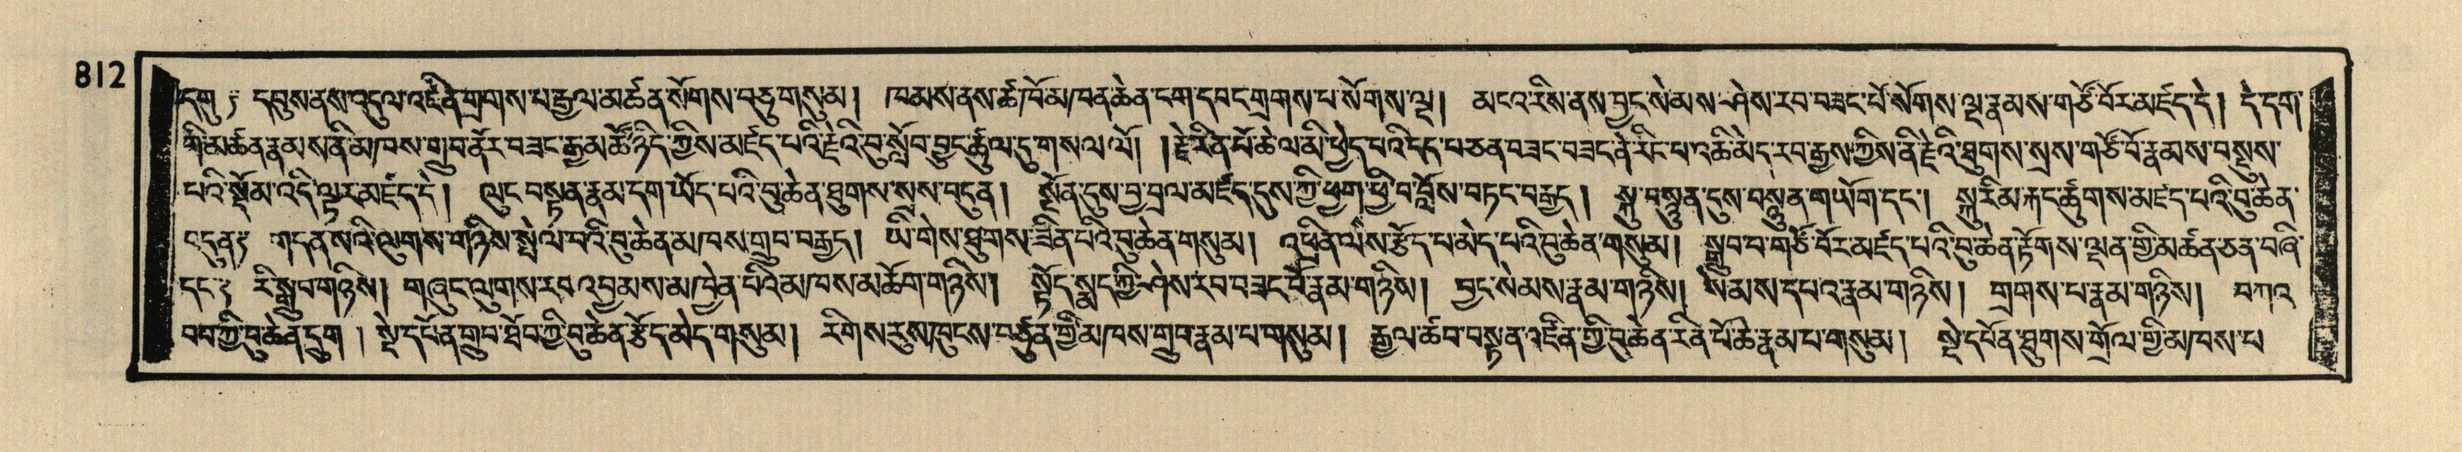དགུ༑ དབུས་ནས་འདུལ་འཛིན་གྲགས་པ་རྒྱལ་མཚན་སོགས་བཅུ་གསུམ། ཁམས་ནས་ཚ་ཁོ་མཁན་ཆེན་ངག་དབང་གྲགས་པ་སོགས་ལྔ། མངའ་རིས་ནས་བྱང་སེམས་ཤེས་རབ་བཟང་པོ་སོགས་ལྔ་རྣམས་གཙོ་བོར་མཛད་དེ། དེ་དག་
གི་མཚན་རྣམས་ནི་མཁས་གྲུབ་ནོར་བཟང་རྒྱ་མཚོ་ཉིད་ཀྱིས་མཛད་པའི་རྗེའི་བུ་སློབ་བྱུང་ཚུལ་དུ་གསལ་ལོ། །རྗེ་རིན་པོ་ཆེ་ལ་མི་ཕྱེད་པའི་དད་པ་ཅན་བཟང་བཟང་ནེ་རིང་པ་འཆི་མེད་རབ་རྒྱས་ཀྱིས་ནི་རྗེའི་ཐུགས་སྲས་གཙོ་བོ་རྣམས་བསྡུས་
པའི་སྡོམ་འདི་ལྟར་མཛད་དེ། ལུང་བསྟན་རྣམ་དག་ཡོད་པའི་བུ་ཆེན་ཐུགས་སྲས་བདུན། སྔོན་དུས་བྱ་བྲལ་མཛད་དུས་ཀྱི་ཕྱགས་ཕྱི་བ་བློས་བཏང་བརྒྱད། སྐུ་བསྙུན་དུས་བསྙུན་གཡོག་དང་། སྐུ་རིམ་རྐང་ཚུགས་མཛད་པའི་བུ་ཆེན་
བདུན༑ གདན་སའི་ལུགས་གཉིས་སྤེལ་བའི་བུ་ཆེན་མཁས་གྲུབ་བརྒྱད། ཡི་གེས་ཐུགས་ཟིན་པའི་བུ་ཆེན་གསུམ། འཕྲིན་ལས་རྩོད་པ་མེད་པའི་བུ་ཆེན་གསུམ། སྒྲུབ་པ་གཙོ་བོར་མཛད་པའི་བུ་ཆེན་རྟོགས་ལྡན་གྱི་མཚན་ཅན་བཞི་
དང༑ རི་སྒྲུབ་གཉིས། གཞུང་ལུགས་རབ་འབྱམས་མཁྱེན་པའི་མཁས་མཆོག་གཉིས། སྟོད་སྨད་ཀྱི་ཤེས་རབ་བཟང་པོ་རྣམ་གཉིས། བྱང་སེམས་རྣམ་གཉིས། སེམས་དཔའ་རྣམ་གཉིས། གྲགས་པ་རྣམ་གཉིས། བཀའ་
བབ་ཀྱི་བུ་ཆེན་དྲུག། སྡེ་དཔོན་གྲུབ་ཐོབ་ཀྱི་བུ་ཆེན་རྩོད་མེད་གསུམ། རིགས་རུས་ཁུངས་བཙུན་གྱི་མཁས་གྲུབ་རྣམ་པ་གསུམ། རྒྱལ་ཚབ་བསྟན་འཛིན་གྱི་བུ་ཆེན་རིན་པོ་ཆེ་རྣམ་པ་གསུམ། སྡེ་དཔོན་ཐུགས་གྲོལ་གྱི་མཁས་པ་